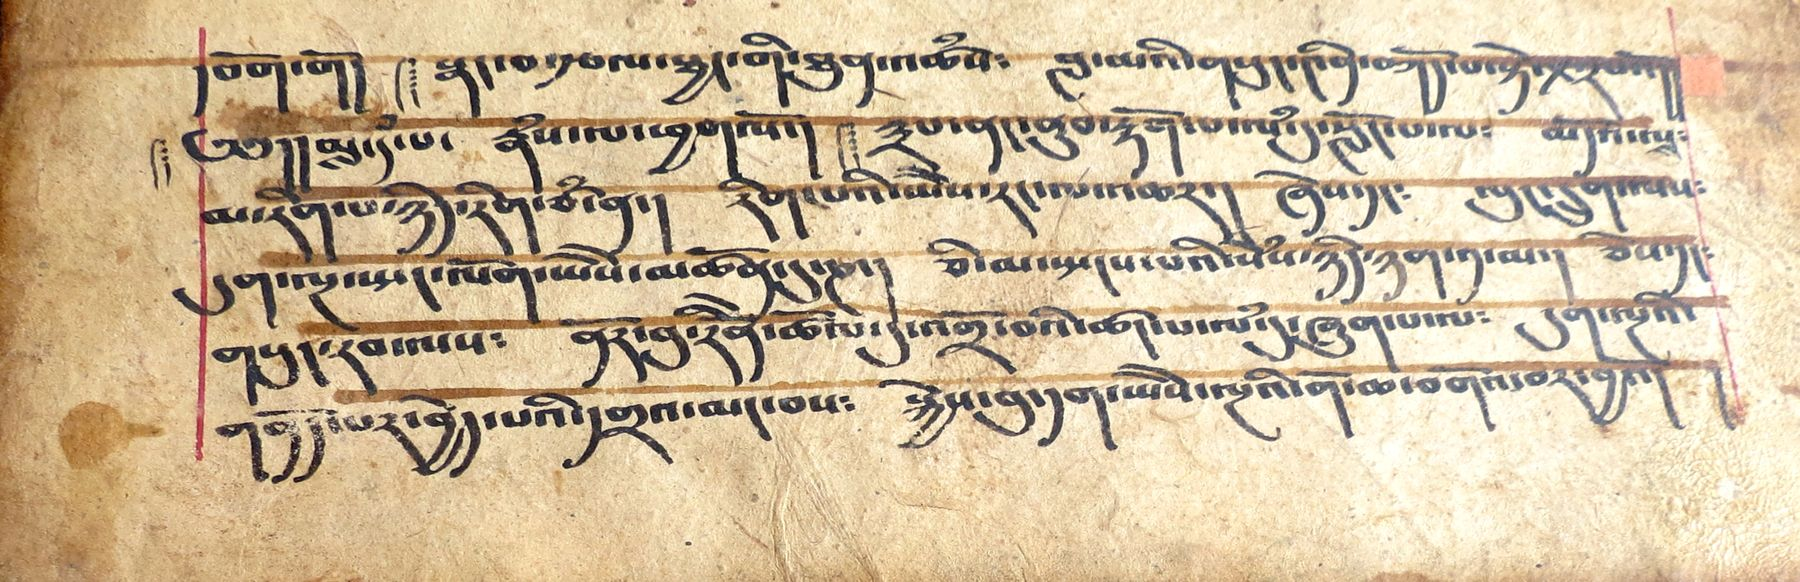འབོག་གོ སྣང་བ་རྩལ་སྦྱོང་གི་ཐུན་མཚམས་བླ་མའི་གསུང་བཞིན་བཀོད་པ་སྟེ་བཅུ་གཉིས་པའོ། 
༄༅།། བླ་མ་དམ་པ་རྣམས་ལ་ཕྱག་འཚལ་ལོ། གསུམ་པ་ནང་ནུབ་རྟོག་པ་ལམ་སློང་བ་ལ། མདོ་ལས། 
མ་རིག་པ་ཉིད་རིག་ཙམ་ན། རིག་པའི་ཡེ་ཤེས་རང་ལ་འཆར། ཞེས་དང་། ལུང་དྲུག་ལས། 
དུག་ལྔ་སྤངས་ལོག་ཡེ་ཤེས་མཚོན་དུ་མེད། ཅི་མ་སྤངས་པའི་སེམས་ཉིད་ཉག་གཅིག་མ། ཞེས་དང་། 
གསུང་རབ་ལས། ཡིད་བཞིན་གྱི་ནོར་བུ་རིན་པོ་ཆེ་ཚོལ་དུ་འགྲོ་བའི་ཚོང་པ་ལམ་དུ་ཞུགས་པ་ལས་དུག་ལྔ་
གནོད་པར་བྱེད་པའི་དགྲ་མང་བས་སྐྱེས་བུ་དག་ཡེ་ཤེས་ལྔའི་གོ་ཆ་བགོ་བར་བྱའོ་